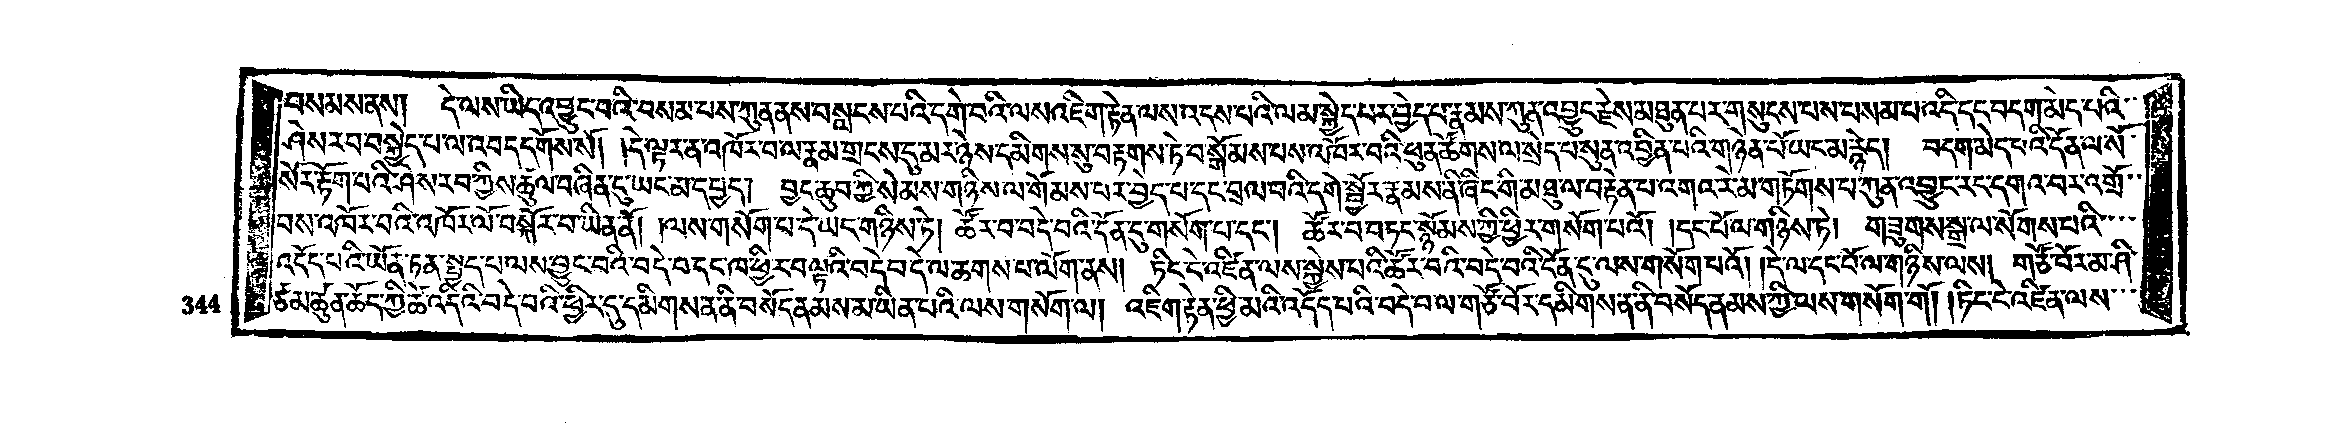བསམས་ནས། དེ་ལས་ཡིད་འབྱུང་བའི་བསམ་པས་ཀུན་ནས་བསླངས་པའི་དགེ་བའི་ལས་འཇིག་རྟེན་ལས་འདས་པའི་ལམ་སྐྱེད་པར་བྱེད་པ་རྣམས་ཀུན་འབྱུང་རྗེས་མཐུན་པར་གསུངས་པས་བསམ་པ་འདི་དང་བདག་མེད་པའི་
ཤེས་རབ་བསྐྱེད་པ་ལ་འབད་དགོས་སོ། །དེ་ལྟར་ན་འཁོར་བ་ལ་རྣམ་གྲངས་དུ་མར་ཉེས་དམིགས་སུ་བརྟགས་ཏེ་བསྒོམས་པས་འཁོར་བའི་ཕུན་ཚོགས་ལ་སྲེད་པ་སུན་འབྱིན་པའི་གཉེན་པོ་ཡང་མ་རྙེད། བདག་མེད་པའི་དོན་ལ་སོ་
སོར་རྟོག་པའི་ཤེས་རབ་ཀྱིས་ཚུལ་བཞིན་དུ་ཡང་མ་དཔྱད། བྱང་ཆུབ་ཀྱི་སེམས་གཉིས་ལ་གོམས་པར་བྱེད་པ་དང་བྲལ་བའི་དགེ་སྦྱོར་རྣམས་ནི་ཞིང་གི་མཐུ་ལ་བརྟེན་པ་འགའ་རེ་མ་གཏོགས་པ་ཀུན་འབྱུང་རང་དགའ་བར་འགྲོ་
བས་འཁོར་བའི་འཁོར་ལོ་བསྐོར་བ་ཡིན་ནོ། །ལས་གསོག་པ་དེ་ཡང་གཉིས་ཏེ། ཚོར་བ་བདེ་བའི་དོན་དུ་གསོག་པ་དང་། ཚོར་བ་བཏང་སྙོམས་ཀྱི་ཕྱིར་གསོག་པའོ། །དང་པོ་ལ་གཉིས་ཏེ། གཟུགས་སྒྲ་ལ་སོགས་པའི་
འདོད་པའི་ཡོན་ཏན་སྤྱད་པ་ལས་བྱུང་བའི་བདེ་བ་དང་ཁ་ཕྱིར་བལྟའི་བདེ་བ་དེ་ལ་ཆགས་པ་ལོག་ནས། ཏིང་ངེ་འཛིན་ལས་སྐྱེས་པའི་ཚོར་བའི་བདེ་བའི་དོན་དུ་ལས་གསོག་པའོ། །དེ་ལ་དང་པོ་ལ་གཉིས་ལས། གཙོ་བོར་མ་ཤི་
ཙམ་ཚུན་ཆོད་ཀྱི་ཚེ་འདིའི་བདེ་བའི་ཕྱིར་དུ་དམིགས་ན་ནི་བསོད་ནམས་མ་ཡིན་པའི་ལས་གསོག་ལ། འཇིག་རྟེན་ཕྱི་མའི་འདོད་པའི་བདེ་བ་ལ་གཙོ་བོར་དམིགས་ན་ནི་བསོད་ནམས་ཀྱི་ལས་གསོག་གོ། །ཏིང་ངེ་འཛིན་ལས་